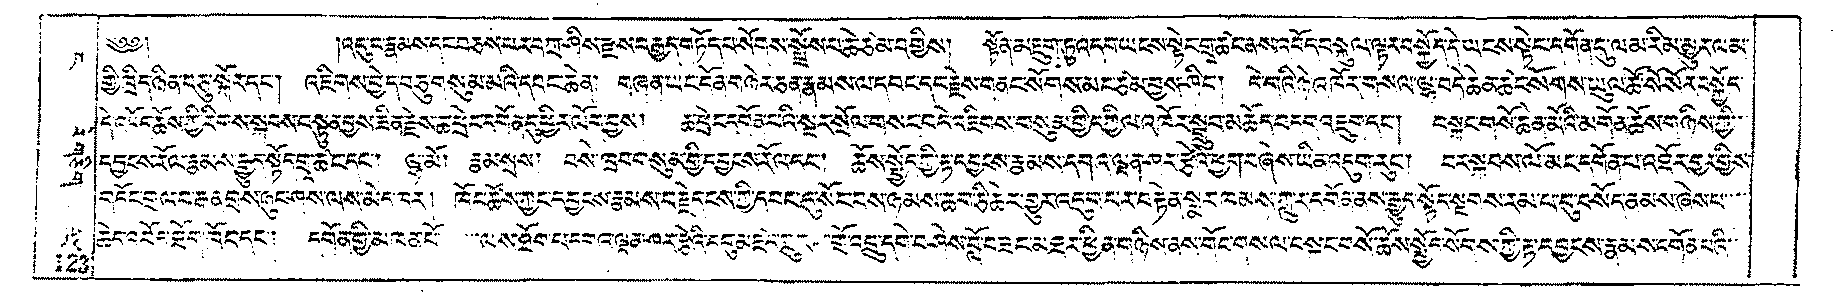༄༅། །འདུ་བ་རྣམས་དང་བཅས་པར་བཀྲ་ཤིས་རྫས་བརྒྱད་གཏོད་པ་སོགས་སྤྲོས་པ་ཆེ་ཙམ་བགྱིས། སྟོན་མཇུག་ཏུ་འདབ་ཡངས་སྟེང་གྲྭ་ཚང་ནས་འབོད་བསྐུལ་ལྟར་བསྐྱོད་དེ་ཡངས་སྟེང་དགོན་དུ་ལམ་རིམ་མྱུར་ལམ་
གྱི་ཁྲིད་ཉིན་བཅུ་སྐོར་དང་། འཇིགས་བྱེད་བཅུ་གསུམ་མའི་དབང་ཆེན། གཞན་ཡང་དོན་གཉེར་ཅན་རྣམས་ལ་དབང་དང་རྗེས་གནང་སོགས་མང་ཙམ་བྱས་ཤིང་། དེ་གའི་ཉེ་འཁོར་གསལ་ལྷ་བདེ་ཆེན་ཚང་སོགས་ཡུལ་ཚོ་སོ་སོར་བསྐྱོད་
དེ་འདོད་ཆོས་ཀྱི་རིགས་སྐབས་བསྟུན་བྱས་ཟིན་རྗེས་ཆ་ཕྲེང་དགོན་དུ་ཕྱིར་ལོག་བྱས། ཆ་ཕྲེང་དགོན་པའི་སྔར་སྲོལ་གསང་བདེ་འཇིགས་གསུམ་གྱི་དཀྱིལ་འཁོར་སྒྲུབ་མཆོད་བདག་འཇུག་དང་། བསྐང་གསོ་ཆེན་མོའི་མགོན་ཆོས་གཉིས་ཀྱི་
དབྱངས་རོལ་རྣམས་རྒྱུད་སྟོད་གྲྭ་ཚང་དང་། ལྷ་མོ། རྣམ་སྲས། བསེ་ཁྲབ་གསུམ་གྱི་དབྱངས་རོལ་དང་། ཆོས་སྤྱོད་ཀྱི་རྟ་དབྱངས་རྣམས་དགའ་ལྡན་ཤར་རྩེའི་ཕྱག་བཞེས་ཡིན་འདུག་རུང་། བར་སྐབས་ལོ་མང་དགོན་པ་འཐོར་གྱར་གྱིས་
གདོང་གྲལ་བ་རྒན་གྲས་ཉུང་ཤས་ལས་མེད་ཁར། ཁོང་ཚོས་ཀྱང་དབྱངས་རྣམས་བརྗེད་ངས་ཀྱི་དབང་དུ་སོང་བས་ཉམས་ཆག་ཅི་ཆེར་གྱུར་འདུག་པར་བརྟེན་སྨར་ཁམས་ཀླུ་ར་དགོན་ནས་རྒྱུད་སྟོད་སྔགས་རམ་པ་བུ་བསོད་ནམས་ཞེས་པ་
ཆེད་འབོད་ཐོག་ཁོང་དང་། དགོན་གྱི་མཁན་པོ་ལས་ཐོག་པ་དགའ་ལྡན་ཤར་རྩེའི་དབུ་མཛད་ཟུར་པ་གྲོ་འབྲུ་དགེ་བཤེས་བློ་བཟང་མཐར་ཕྱིན་གཉིས་ནས་གོང་གསལ་བསྐང་གསོ་ཆོས་སྤྱོད་སོགས་ཀྱི་རྟ་དབྱངས་རྣམས་དགོན་པའི་